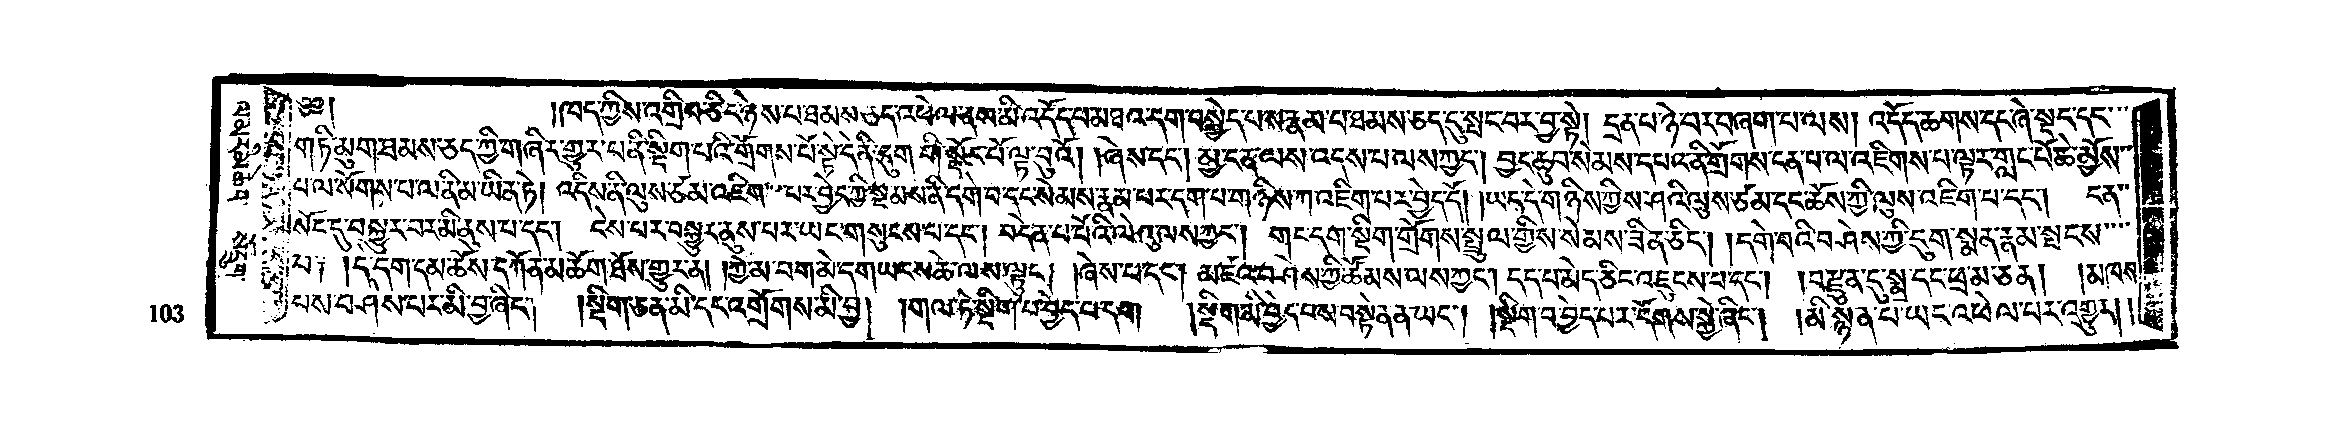༄༅། །ཁད་ཀྱིས་འགྲིབ་ཅིང་ཉེས་པ་ཐམས་ཅད་འཕེལ་ནས་མི་འདོད་པ་མཐའ་དག་བསྐྱེད་པས་རྣམ་པ་ཐམས་ཅད་དུ་སྤང་བར་བྱ་སྟེ། དྲན་པ་ཉེ་བར་བཞག་པ་ལས། འདོད་ཆགས་དང་ཞེ་སྡང་དང་
གཏི་མུག་ཐམས་ཅད་ཀྱི་གཞིར་གྱུར་པ་ནི་སྡིག་པའི་གྲོགས་པོ་སྟེ་དེ་ནི་དུག་གི་སྡོང་པོ་ལྟ་བུའོ། །ཞེས་དང་། མྱ་ངན་ལས་འདས་པ་ལས་ཀྱང་། བྱང་ཆུབ་སེམས་དཔའ་ནི་གྲོགས་ངན་པ་ལ་འཇིགས་པ་ལྟར་གླང་པོ་ཆེ་མྱོས་
པ་ལ་སོགས་པ་ལ་ནི་མ་ཡིན་ཏེ། འདིས་ནི་ལུས་ཙམ་འཇིགས་པར་བྱེད་ཀྱི་སྔ་མས་ནི་དགེ་བ་དང་སེམས་རྣམ་པར་དག་པ་གཉིས་ཀ་འཇིག་པར་བྱེད་དོ། །ཡང་དེ་གཉིས་ཀྱིས་ཤའི་ལུས་ཙམ་དང་ཆོས་ཀྱི་ལུས་འཇིག་པ་དང་། ངན་
སོང་དུ་བསྐྱུར་བར་མི་ནུས་པ་དང་། ངེས་པར་བསྐྱུར་ནུས་པར་ཡང་གསུངས་པ་དང་། བདེན་པ་པོའི་ལེའུ་ལས་ཀྱང་། གང་དག་སྡིག་གྲོགས་སྦྲུལ་གྱིས་སེམས་ཟིན་ཅིང་། །དགེ་བའི་བཤེས་ཀྱི་དུག་སྨན་རྣམ་སྤངས་
པ༑ ༑དེ་དག་དམ་ཆོས་དཀོན་མཆོག་ཐོས་གྱུར་ན། །ཀྱེ་མ་བག་མེད་གཡང་ས་ཆེ་ལས་ལྟུང་། །ཞེས་པ་དང་། མཛའ་བཤེས་ཀྱི་ཚོམས་ལས་ཀྱང་། དད་པ་མེད་ཅིང་འཇུངས་པ་དང་། །བརྫུན་དུ་སྨྲ་དང་ཕྲ་མ་ཅན། །མཁས་
པས་བཤེས་པར་མི་བྱ་ཞིང་། །སྡིག་ཅན་མི་དང་འགྲོགས་མི་བྱ། །གལ་ཏེ་སྡིག་པ་བྱེད་པ་དག །སྡིག་མི་བྱེད་པས་བསྟེན་ན་ཡང་། །སྡིག་པ་བྱེད་པར་དོགས་སྐྱེ་ཞིང་། །མི་སྙན་པ་ཡང་འཕེལ་བར་འགྱུར།།